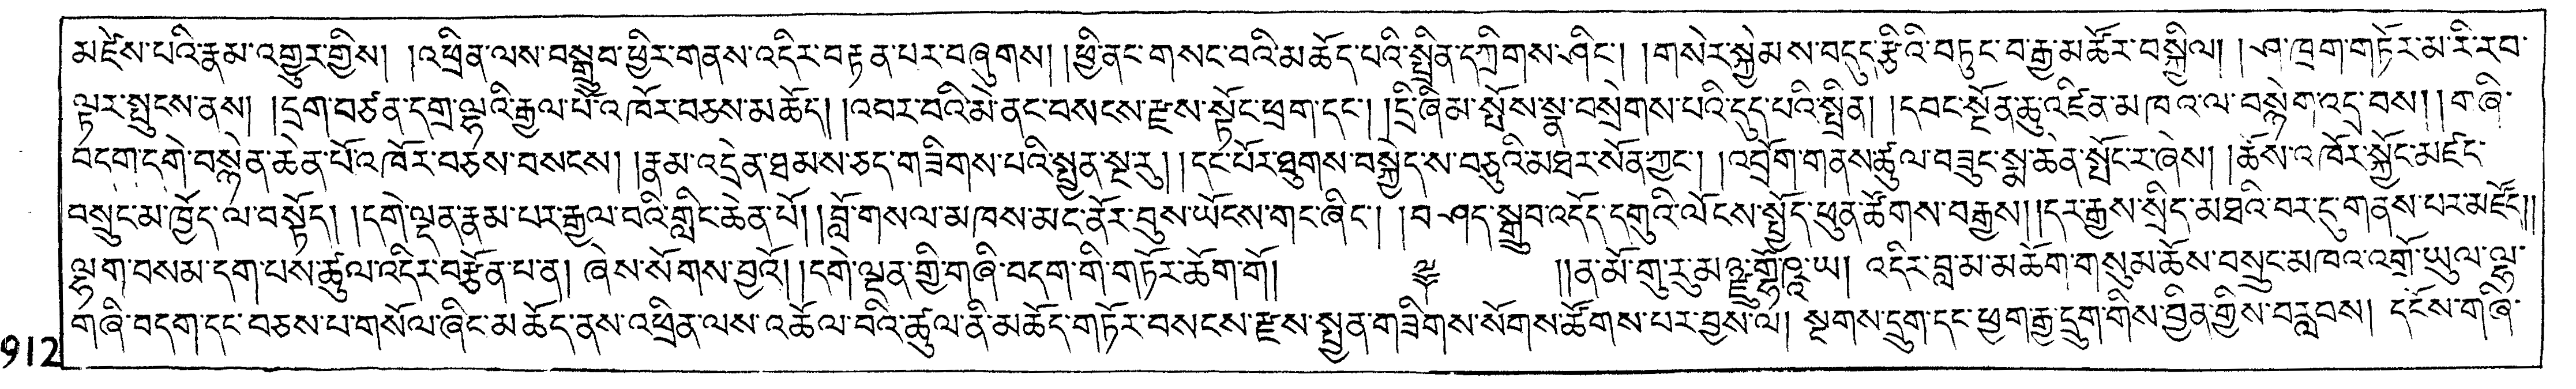མཛེས་པའི་རྣམ་འགྱུར་གྱིས། །འཕྲིན་ལས་བསྒྲུབ་ཕྱིར་གནས་འདིར་བརྟན་པར་བཞུགས། །ཕྱི་ནང་གསང་བའི་མཆོད་པའི་སྤྲིན་དཀྲིགས་ཤིང་། །གསེར་སྐྱེམས་བདུད་རྩིའི་བཏུང་བ་རྒྱ་མཚོར་བསྐྱིལ། །ཤ་ཁྲག་གཏོར་མ་རི་རབ་
ལྟར་སྤུངས་ནས། །དྲག་བཙན་དགྲ་ལྷའི་རྒྱལ་པོ་འཁོར་བཅས་མཆོད། །འབར་བའི་མེ་ནང་བསངས་རྫས་སྟོང་ཕྲག་དང་། །དྲི་ཞིམ་སྤོས་སྣ་བསྲེགས་པའི་དུད་པའི་སྤྲིན། །དབང་སྔོན་ཆུ་འཛིན་མཁའ་ལ་བསྙེག་འདྲ་བས། །གཞི་
བདག་དགེ་བསྙེན་ཆེན་པོ་འཁོར་བཅས་བསངས། །རྣམ་འདྲེན་ཐམས་ཅད་གཟིགས་པའི་སྤྱན་སྔ་རུ། །དང་པོར་ཐུགས་བསྐྱེད་ས་བཅུའི་མཐར་སོན་ཀྱང་། །འབྲོག་གནས་ཚུལ་བཟུང་སྨ་ཆེན་སྤོང་ར་ཞེས། །ཆོས་འཁོར་སྐྱོང་མཛད་
བསྲུང་མ་ཁྱོད་ལ་བསྟོད། །དགེ་ལྡན་རྣམ་པར་རྒྱལ་བའི་གླིང་ཆེན་པོ། །བློ་གསལ་མཁས་མང་ནོར་བུས་ཡོངས་གང་ཞིང་། །བཤད་སྒྲུབ་འདོད་དགུའི་ལོངས་སྤྱོད་ཕུན་ཚོགས་བརྒྱས། །དར་རྒྱས་སྲིད་མཐའི་བར་དུ་གནས་པར་མཛོད། །
ལྷག་བསམ་དག་པས་ཚུལ་འདིར་བརྩོན་པ་ན། ཞེས་སོགས་བྱའོ། །དགེ་ལྡན་གྱི་གཞི་བདག་གི་གཏོར་ཆོག་གོ ། ༈ །།ན་མོ་གུ་རུ་མཉྫུ་གྷོ་ཥཱ་ཡ། འདིར་བླ་མ་མཆོག་གསུམ་ཆོས་བསྲུང་མཁའ་འགྲོ་ཡུལ་ལྷ་གཞི་བདག་དང་བཅས་པ་གསོལ་ཞིང་མཆོད་ནས་འཕྲིན་ལས་འཆོལ་བའི་ཚུལ་ནི་མཆོད་གཏོར་བསངས་རྫས་སྤྱན་གཟིགས་སོགས་ཚོགས་པར་བྱས་ལ། སྔགས་དྲུག་དང་ཕྱག་རྒྱ་དྲུག་གིས་བྱིན་གྱིས་བརླབས། དངོས་གཞི་